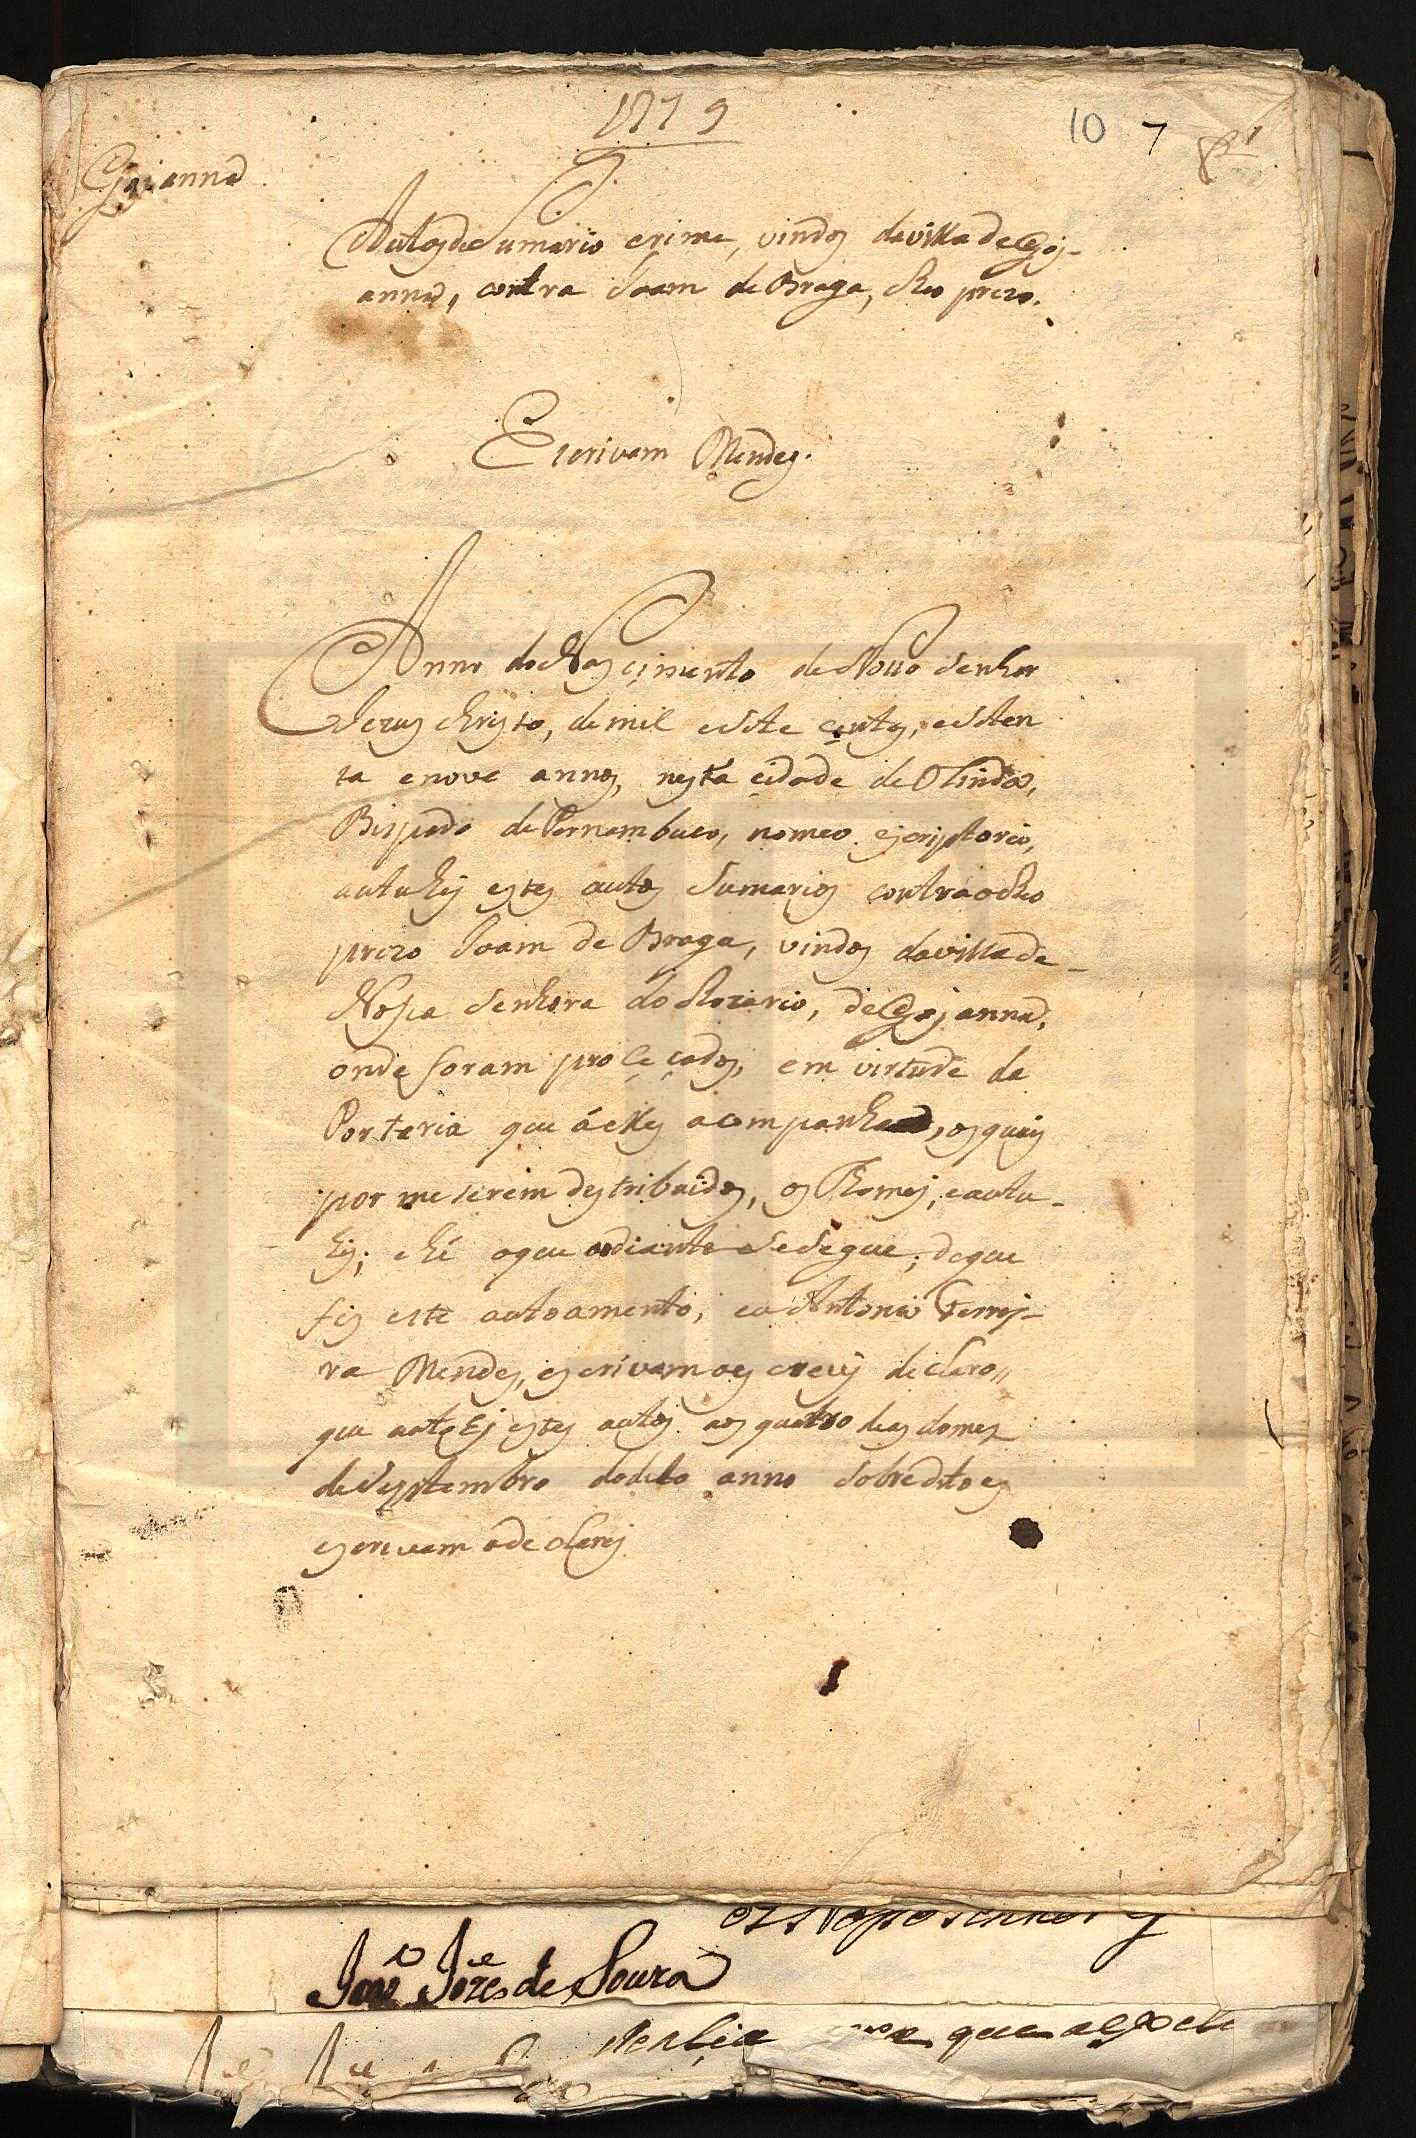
Goianna
1779
Autos de Sumario crime, vindos da Villa de Goj
anna, contra Ioam de Braga, Reo prezo.
Escrivam Mendes.
Anno do Nasçimento de Nosso senhor
Iezus christo, de mil e setecentos e seten
ta e nove annos nesta cidade de Olinda,
Bispado de Pernambuco, no meo escriptorio
autuhej estes autos Sumarios contra o Reo
prezo Ioam de Braga, vindos da villa de
Nossa senhora do Rozario, de Gojanna,
onde foram proçeçados, em virtude da
Portaria que á elles acompanha_, os quais
por me serem destribuidos, os thomej, e auttu
hej; e hé o que aodiante se segue; de que
fis este autoamento, eu Antonio Ferrej
ra Mendes, escrivam o escrevj declaro
que autoEj estes autos aos quatro dias do mez
de Septembro do dito anno sobre dito es
escrevam o declarej
Ioaõ Iozé de Souza
